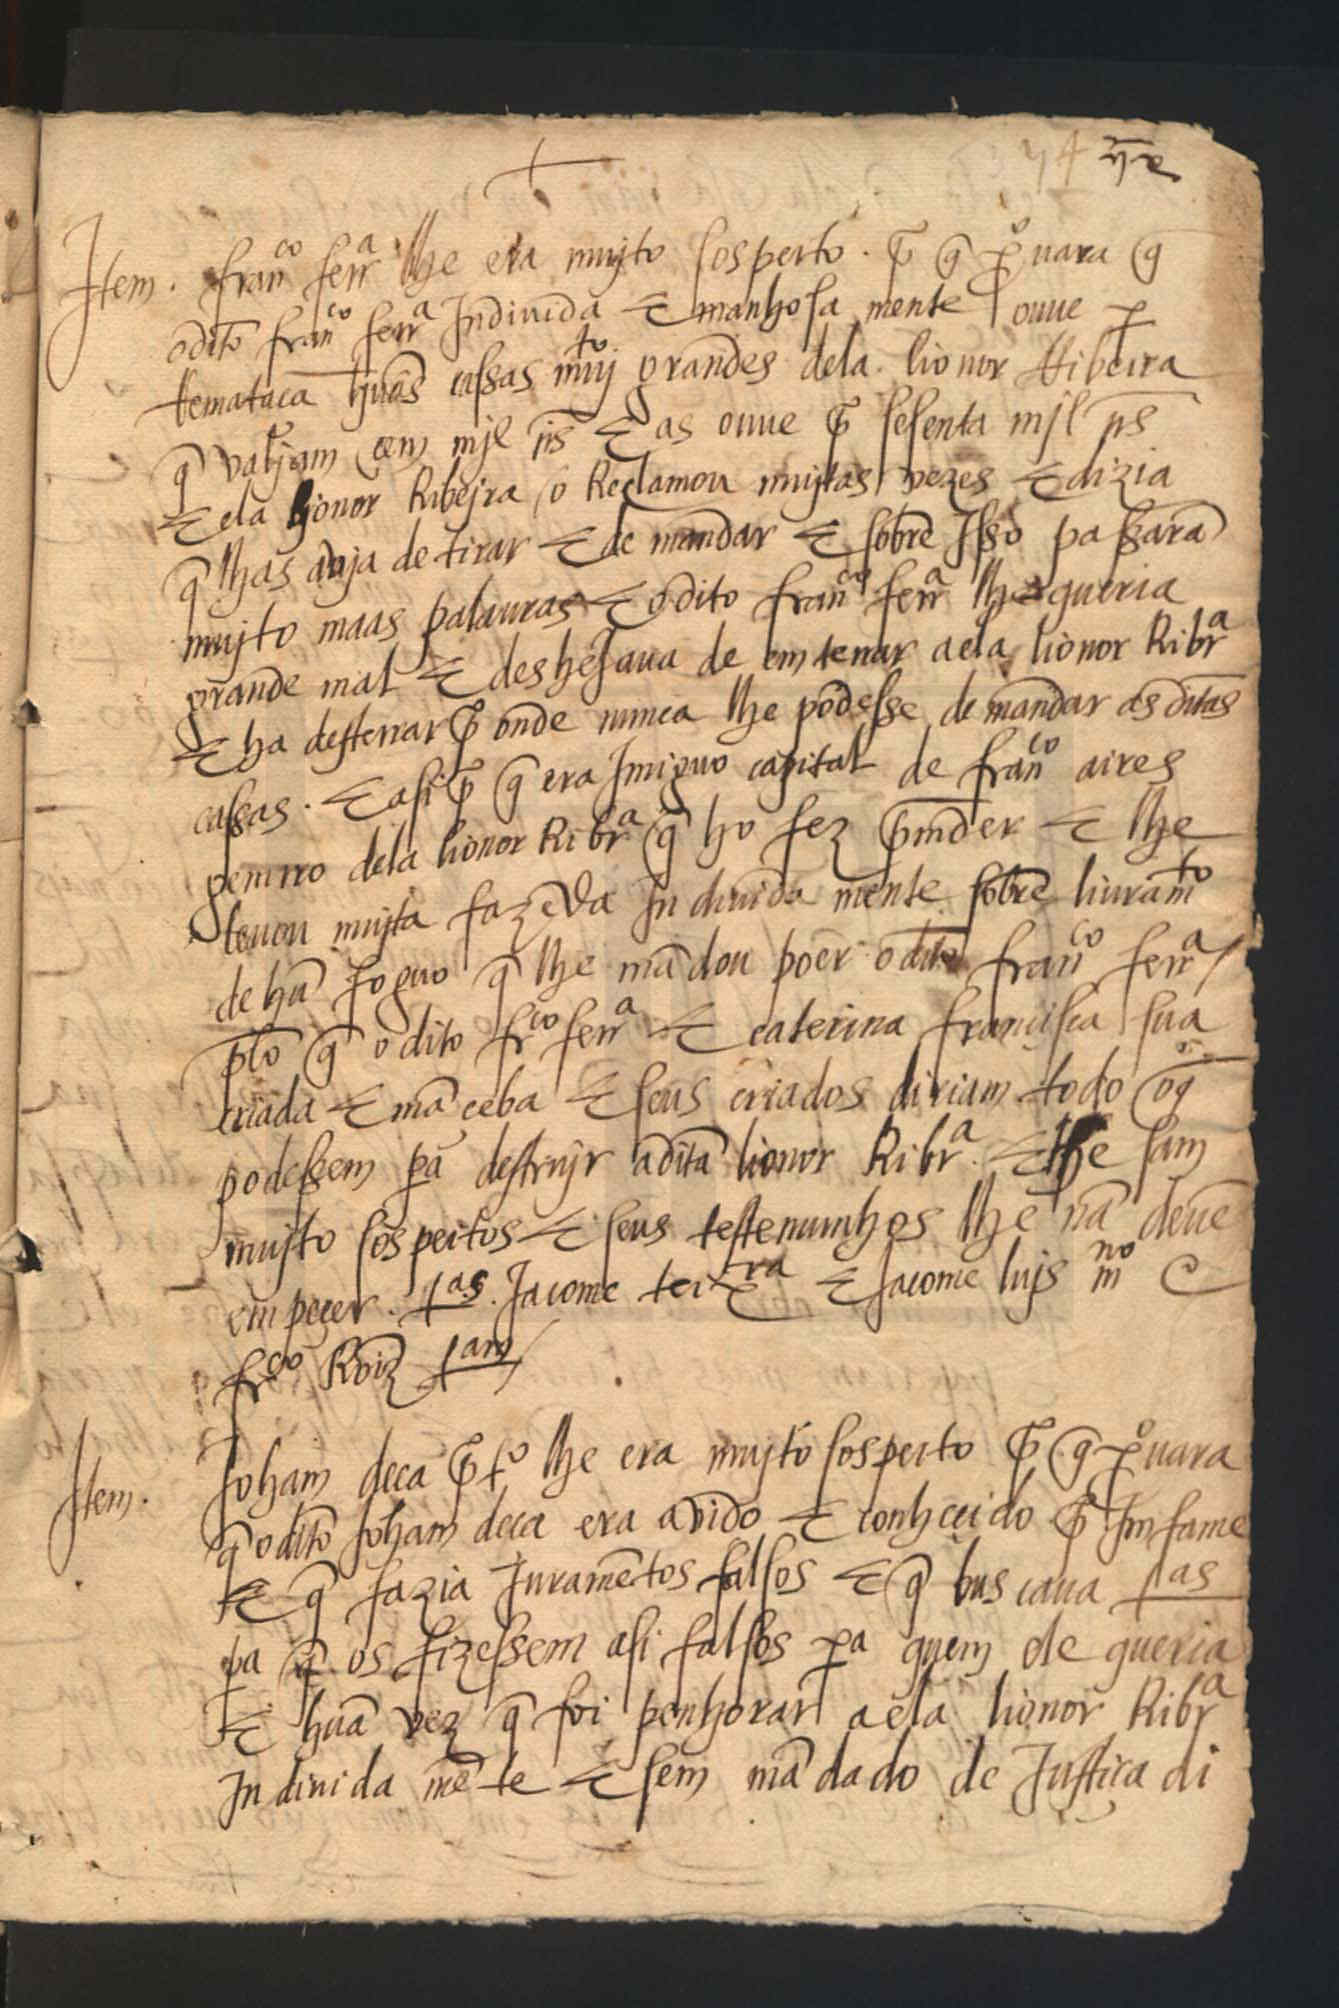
franco ferra lhe era mujto sospeito p̄o q̅ ꝓouara q̅
o dit̅o franco ferra Jndiuida E manhosamente ouue ꝑ
Remataça̅ hua̅s cassas mujto grandes dela lionor Ribeira
q̅ valjam çem mjl r̅rs E as ouue p̄o sesenta mjl r̅rs
E ela ljonor Ribejra o Reclamou mujtas vezes E dizia
q̅ lhas avja de tirar E demandar E sobre Jsso passara̅
mujto maas palauras E o dito franco ferra lhe queria
grande mal E desheJaua de emterrar a ela lionor Ribra
E ha desterrar p̄o onde nunca lhe podesse demandar as di̅tas
cassas. E asi p̄o q̅ era Jmiguo capitaL de franco aires
gemrro dela lionor Ribra q̅ ho fez p̄mder E lhe
leuou mujta faze̅da Jndiuidamente sōbre liuramto
de hu̅ foguo q̅ lhe ma̅dou poer o d̅ito franco ferra /
p̅lo q̅ o dito frco ferra E caterina françisca sua
criada E ma̅çeba E seus criados diriam todo o q̅
podessem ꝑa destrujr a di̅ta lionor Ribra E lhe sam
mujto sospeitos E seus testemunhos lhe na̅ deuē
empeçer. t.as Jacome teixra E Jacome lujs mno e
frco Roiz̄ tam /
Joham deça p̄o to lhe era mujto sospeito p̄o q̅ ꝓouara
q̅ o di̅to Joham deça era avido E conheçido p̄o Jmfame
E q̅ fazia Jurame̅tos falsos E q̅ buscaua tas
ꝑa q̅ os fizessem asi falsos ꝑa quem ele queria
E hu̅a vez q̅ foi penhorar a ela lionor Ribra
Jndiuidamēte E sem ma̅dado de Justiça di
